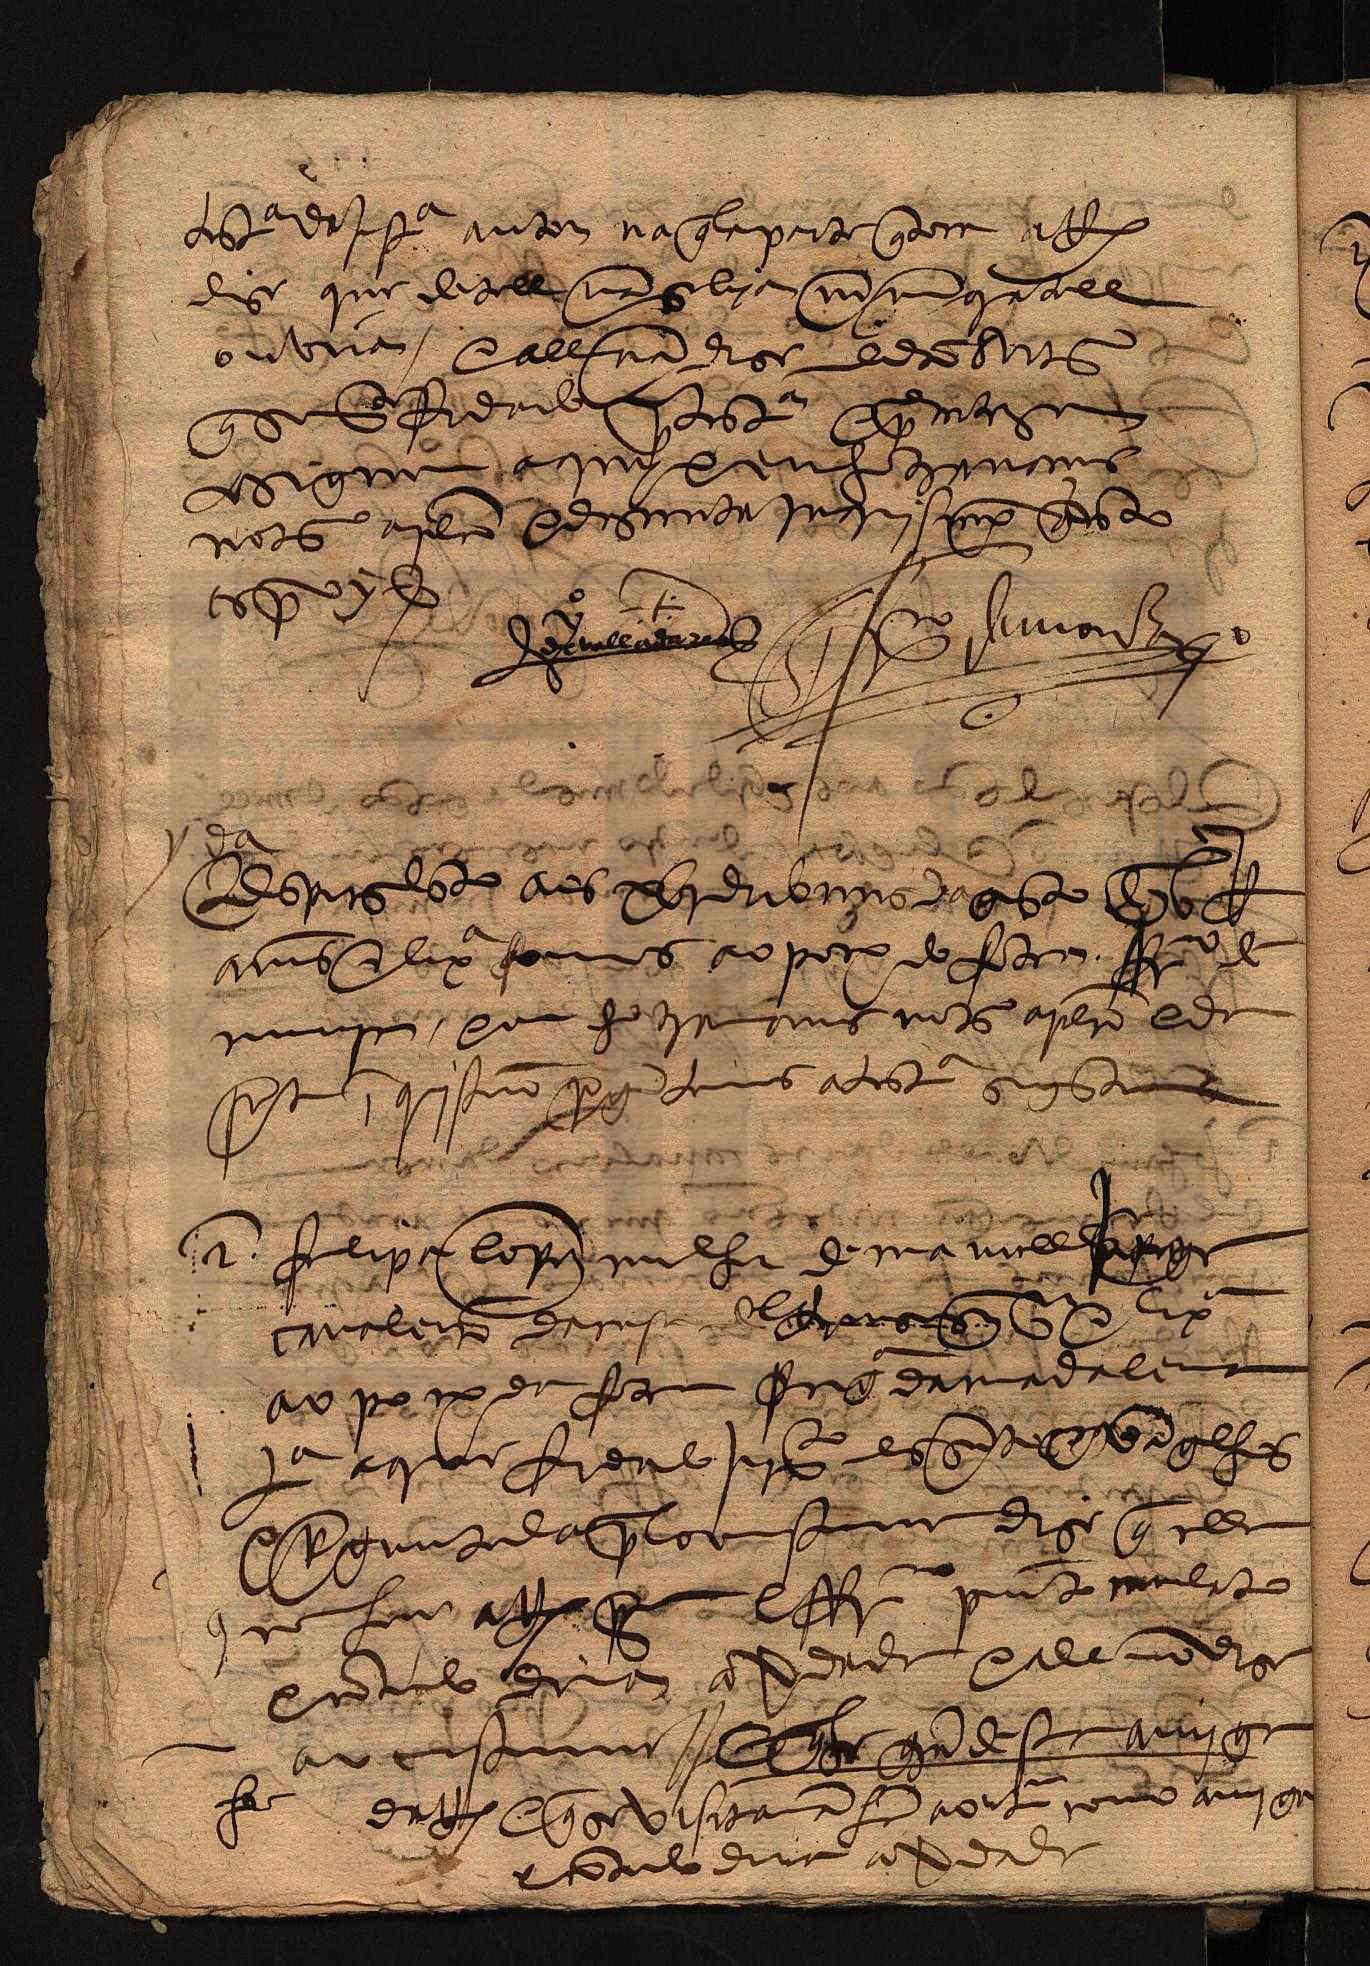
testa de Justa autor na q̄la parte q̄ toca a Rꝭ
dise que de tall nā sabya nē nūqua tall
ouvira / e all nā dise do dtō Arto
q̄ somte foi dado p̄o testa e p̄o certeza
asignou aquy e eu djo trauaços
notro apl̄co e da samta Jnqujsição q̄ esto
esp̄vy
yda
E despois desto aos xbj di do mes dagosto de j̄ bc R
anōs ē lixa ao poço do fotea ffrco de
moura, e eu djo trauaços notro apl̄co e da
sāta j̄qujsição p̄gūtamos a testa seguj̄te
item. felipa lopez molher de manuell Jorge
caualeiro da casa del Rej noso s̄or mor ē lixa
ao poço da fotea frega da madalena
ta a que foi dado Juramto dos sātos evāgelhos
e ꝑguntada p̄lo custume dise q̄ ella
conhece a Rꝭ p̄sa e ffrco pinto mulato
e cōtudo dira a ꝟdade e all nō dise
ao custume // E q̄ he grāde sua amjga
da Re e q̄ se visitauā huā a outra como amjga
e cōtudo dira a ꝟdade
